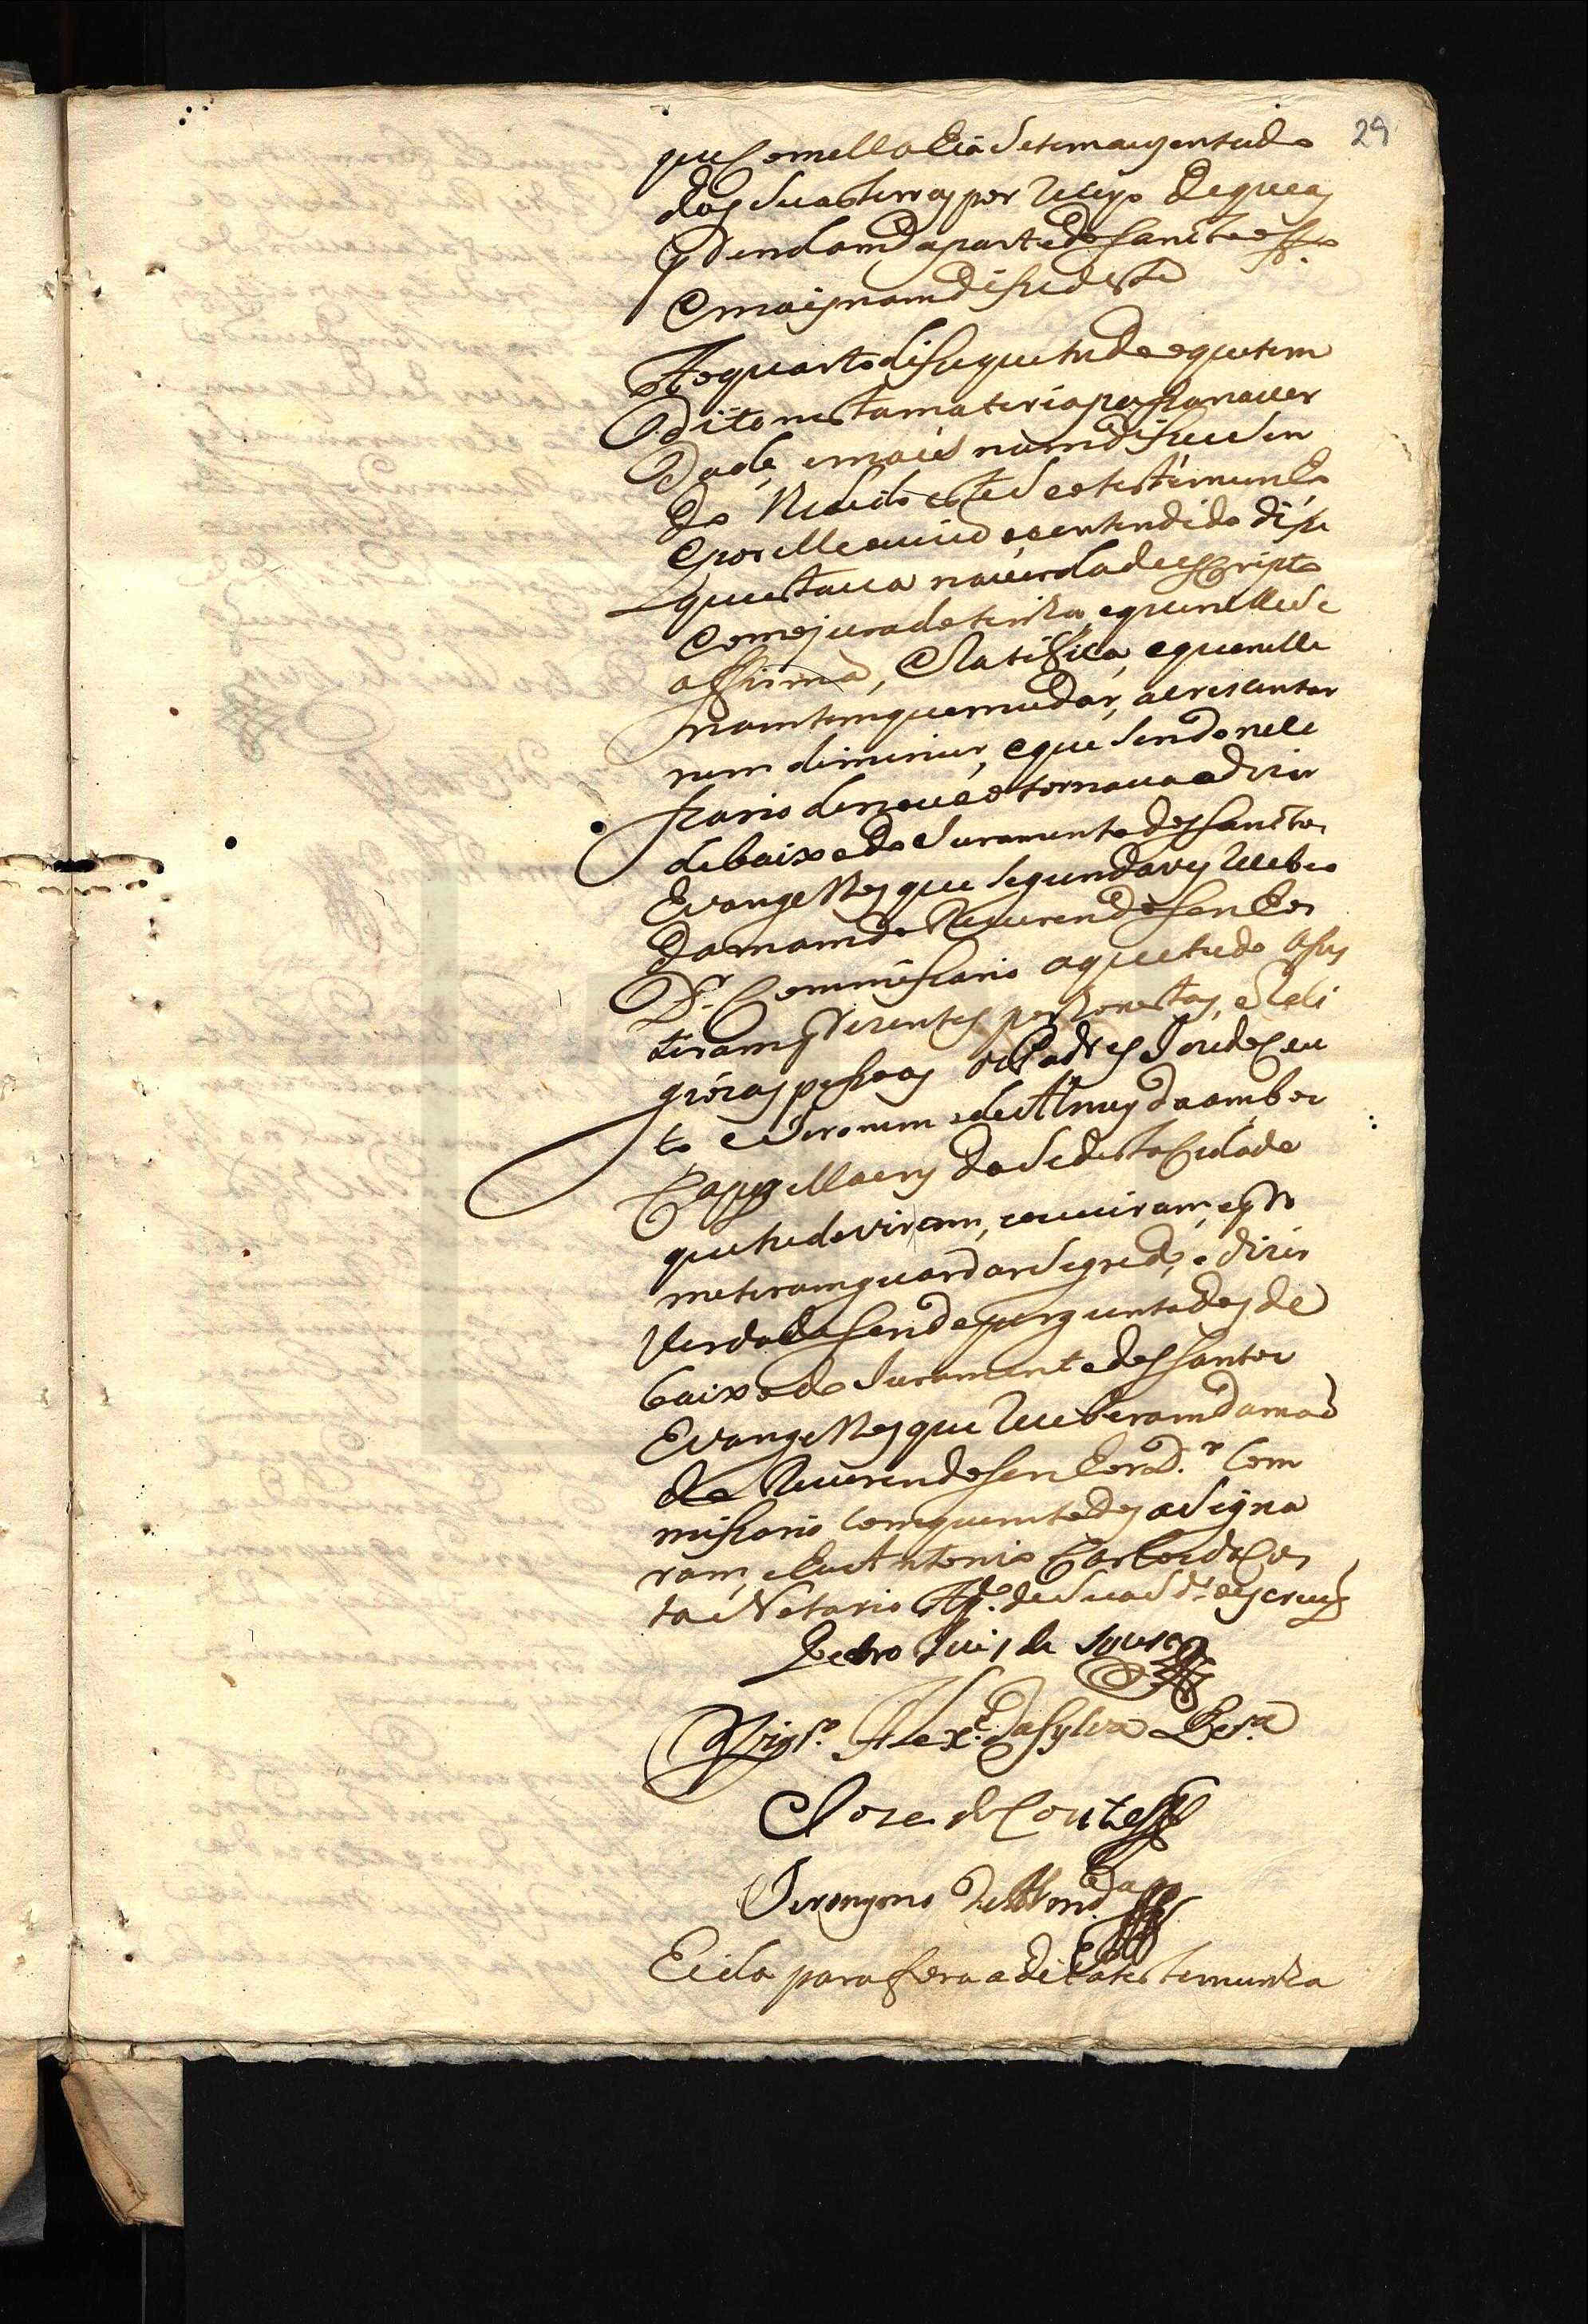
que Com ella hia Se tem auzentado
das Suas terras por Receyo de que as
prendam da parte do sancto off.o
e mais nam disse deste
Ao quarto disse que tudo o que tem
dito nesta materia passa na uer
dade, e mais nam disse, e Sen
do lhe Lido este Seo testemunho
e por elle ouuido, e entendido disse
que estaua na uerdade esCripto
Como jurado tinha e que nelle se
affirma, e Ratificia, e que nelle
nam tem que mudar, acrescentar
nem diminuir, e que sendo nece
ssario de nouo o tornaua a dizer
debaixo do Iuramento dos sanctos
Evangelhos que segunda ves Recebeo
da mam do Reuerendo Senhor
D.r Commissario a que tudo assis
tiram prezentes por honestas, e Reli
giozas pessoas os Padres Ioze do Cou
to e Ieronimo de Almeyda ambos
Cappellaens da Se desta Cidade
que tudo viram, e ouuiram, e pro
meteram guardar segredo, e dizer
Verdade sendo perguntados de
baixo do Iuramento dos Santos
Evangelhos que Receberam da maõ
do Reuerendo Senhor D.r Com
missario com quem todos aSigna
ram, e Eu Antonio Carlos da Cos
ta Notario Ap.co de Sua Sd.e o escreuj
E ida para fora a dita testemunha
